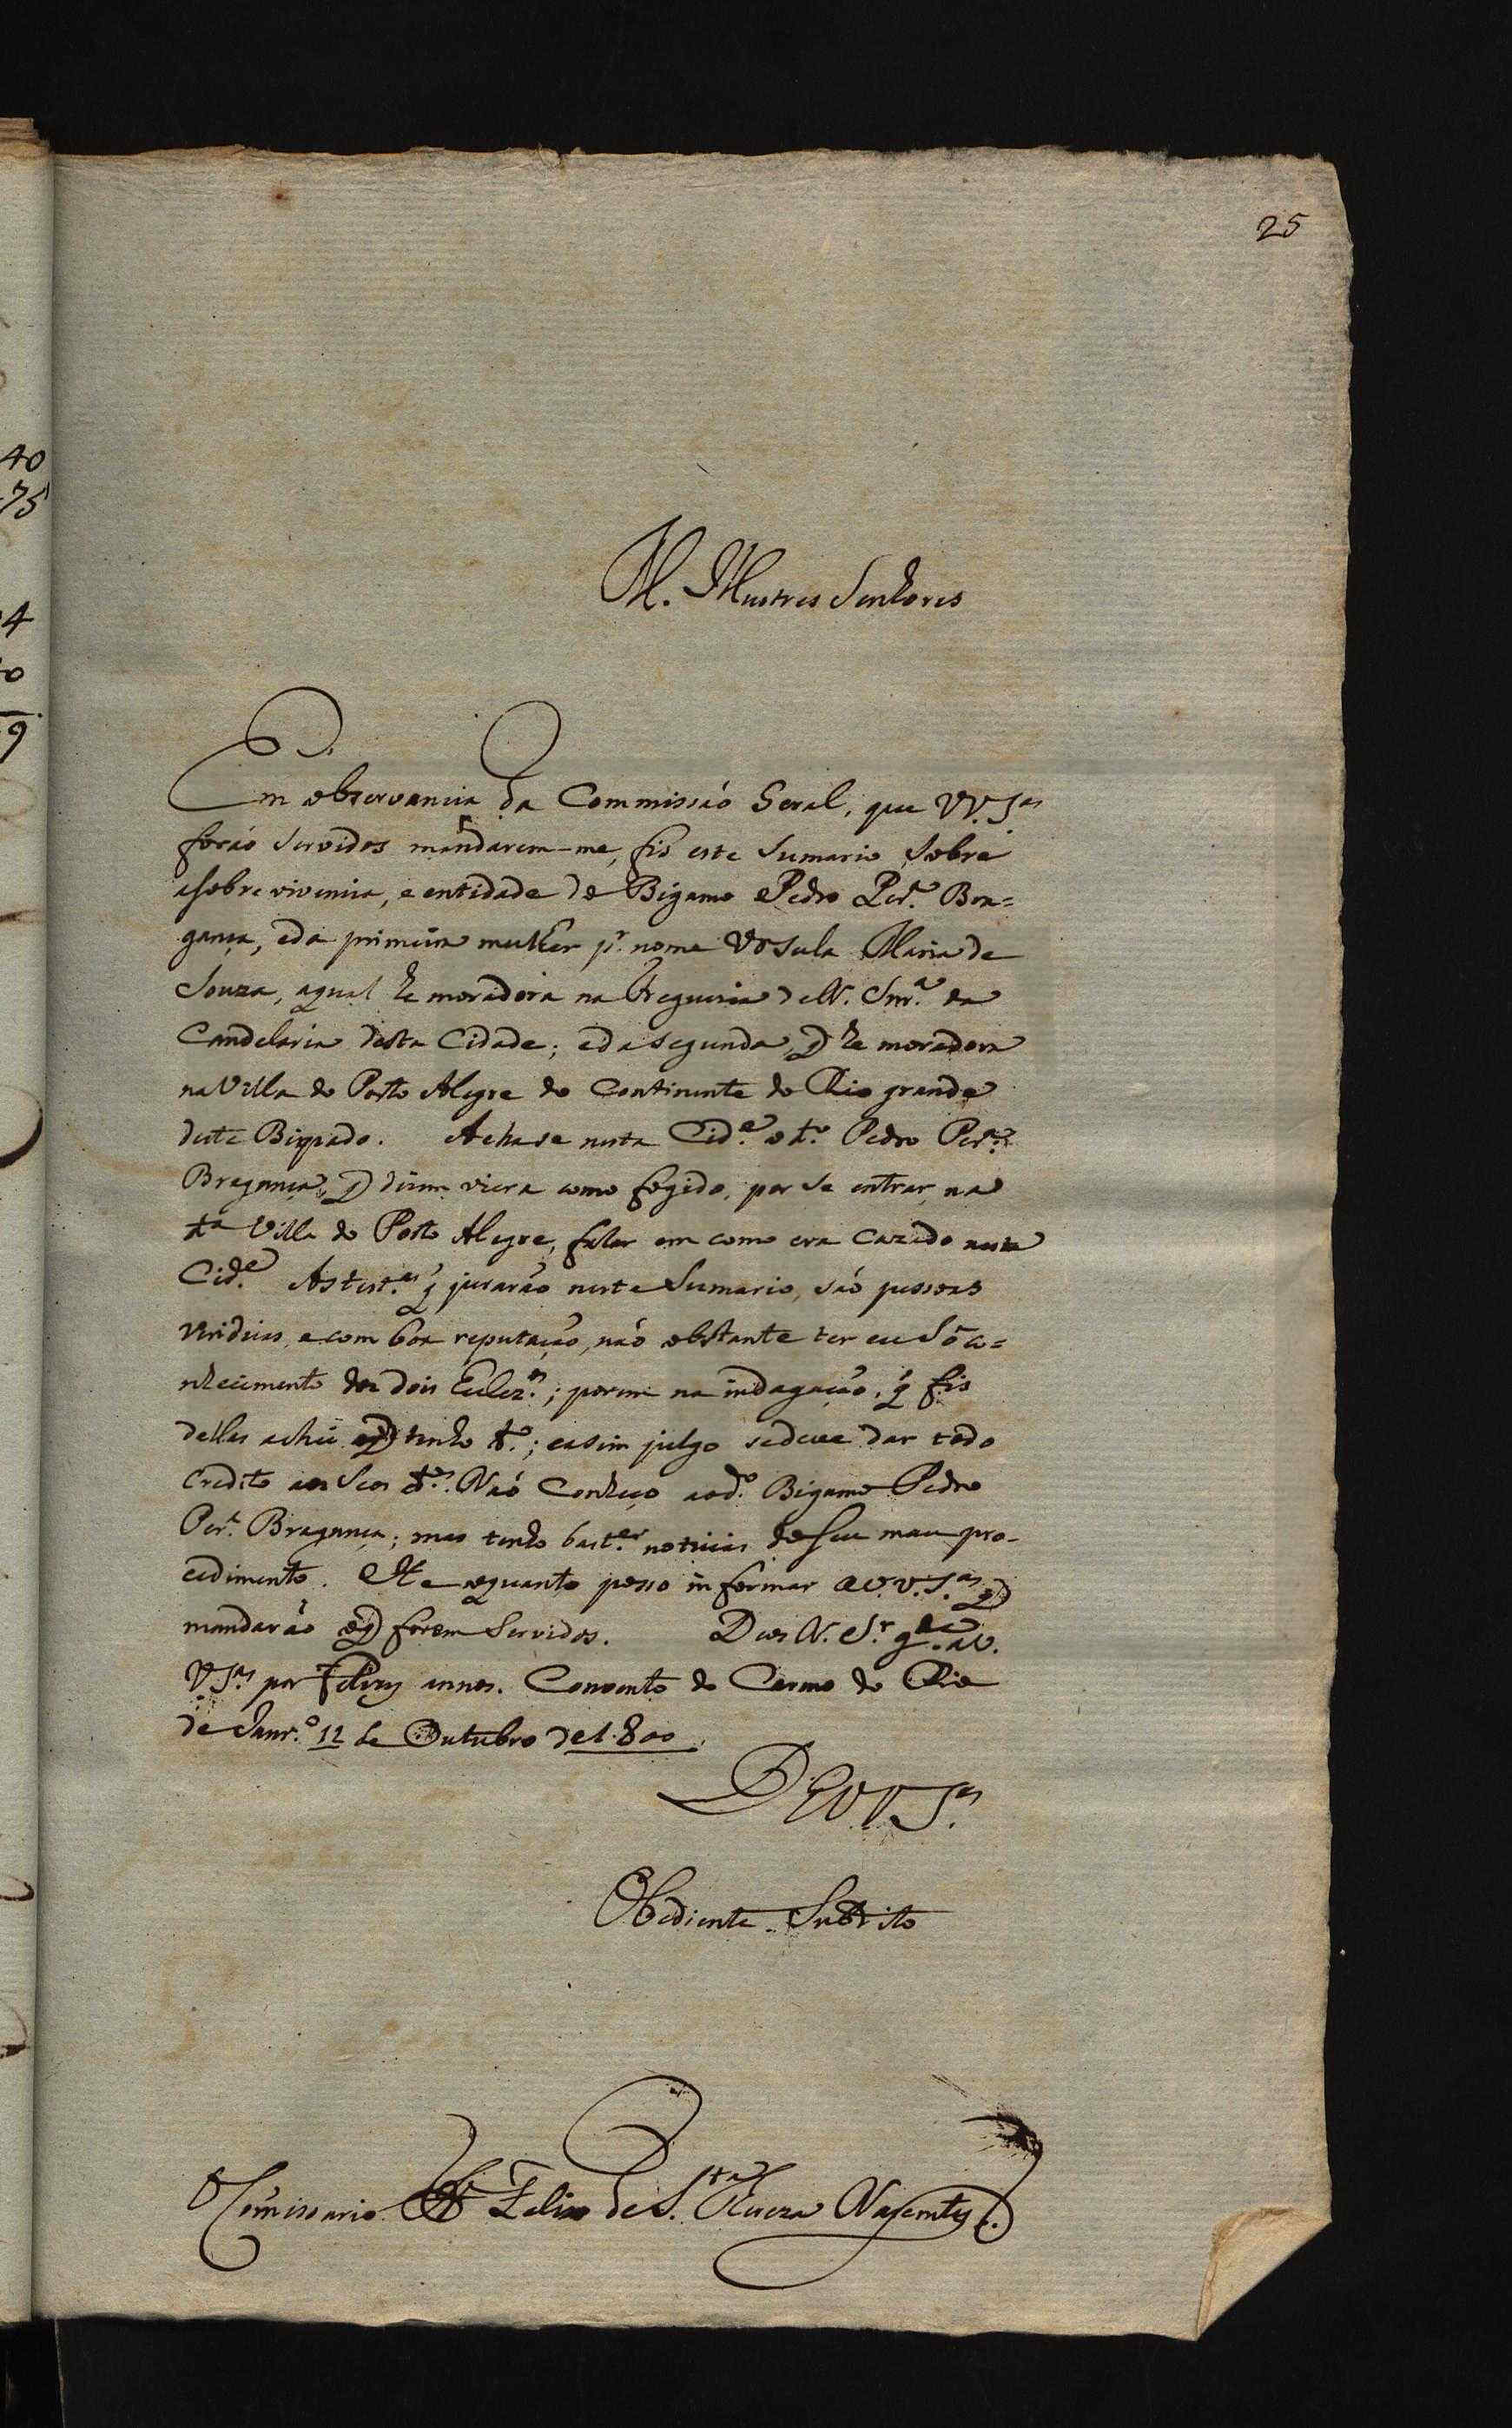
M. Illustres Senhores
Em observancia da Commissaõ Geral, que V V. S.as
foraõ servidos mandarem-me, fiz este Sumario Sobre
a sobrevivencia, e entidade do Bigamo Pedro Per.a Bra
gança, e da primeira mulher p.r nome Vrsula Maria de
Souza, a qual he moradora na Freguesia de N. Snr.a da
Candelaria desta Cidade; e da segunda, q̄ he moradora
na Villa do Porto Alegre do Continente do Rio grande
deste Bispado. Achase nesta Cid.e o d̄.o Pedro Per.a
Bragança, q̄ dizem viera como fogido, por se entrar na
d̄.a Villa do Porto Alegre, falar em como era cazado nesta
Cid.e As test.as q̄ juraraõ neste Sumario, saõ pessoas
veridicas, e com boa reputaçaõ, naõ obstante ter eu Só co
nhecimento dos dois Ecclez.os; porem na indagaçaõ, q̄ fis
delles achei o q̄ tenho d̄.o; e assim julgo se deve dar todo
Credito aos Seos d̄.os. Naõ Conheço ao d.o Bigamo Pedro
Per.a Bragança; mas tenho bast.es noticias do seu mau pro
cedimento. He o quanto posso informar a V. V. S.as q̄
mandarão o q̄ forem servidos. Deos N. S.r g.de a v.
V. S.as por felizes annos. Convento do Carmo do Rio
de Ianr.o 12 de Outubro de 1.800
DE V V. S.as
Obediente Subdito
O Com̄issario Fr Felix de S.ta Thereza Nasemtes.
